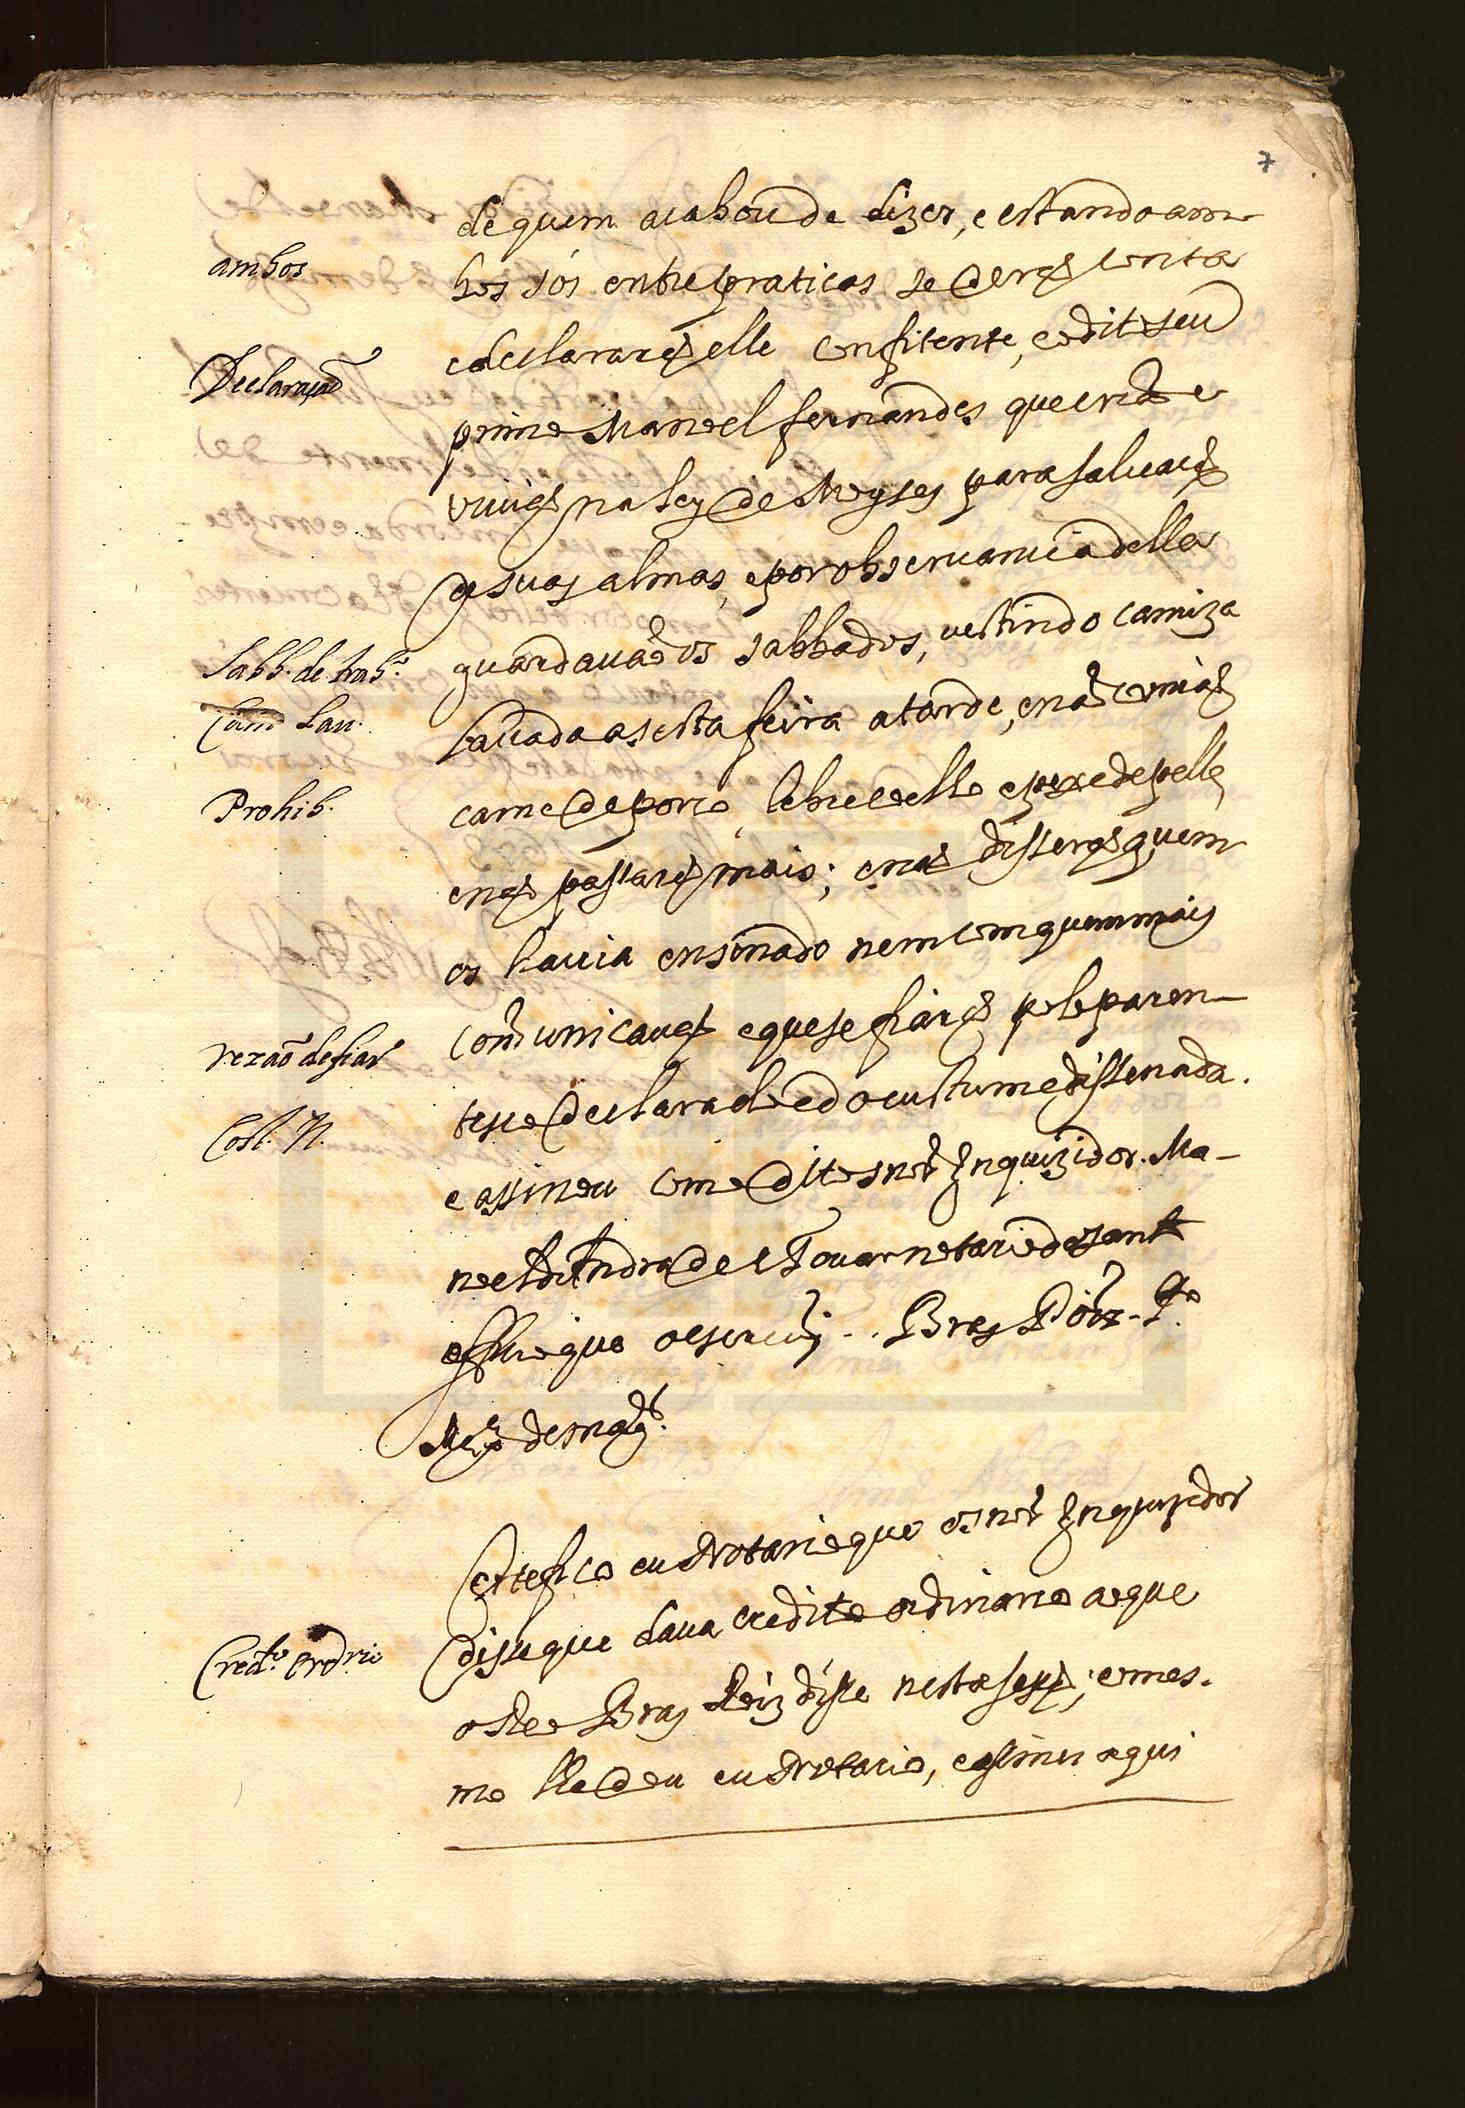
de quem acabou de dizer, e estando am
ambos
bos sós entre praticas se deraõ conta
e declararaõ elle confitente, e o dito seu
Declaraçaõ
primo Manoel fernandes que eraõ e
uiuiaõ na Ley de Moyses para Saluaçaõ
de suas almas e por obseruancia della
guardauaõ os sabbados, uestindo camiza
Sabb. de trab.
Cam. Lau.
lauada a sesta feira a tarde, e naõ comiaõ
carne de porco, lebre coelho e pexe de pelle
Prohib.
e naõ passaraõ mais; e naõ disseraõ quem
os hauia ensinado nem com quem mais
com̄unicauaõ e que se fiaraõ pollo paren
rezaõ de fiar
tesco declarado e do custume disse nada.
Cost. N.
e assinou com o dito snor̄ Jnquizidor. Ma
noel de Andrade de Touar notario do Santo
officio que o escreuj – Bras Roiz̄ P.o
Mexia de mg.es
Certefico eu Notario que o snor̄ Jnquizedor
disse que daua credito ordinario ao que
Cred.o Ord.rio
o reo Bras Roiz̄ disse nesta sessaõ; e mes
mo lhe dou eu Notario, e assinei aqui
